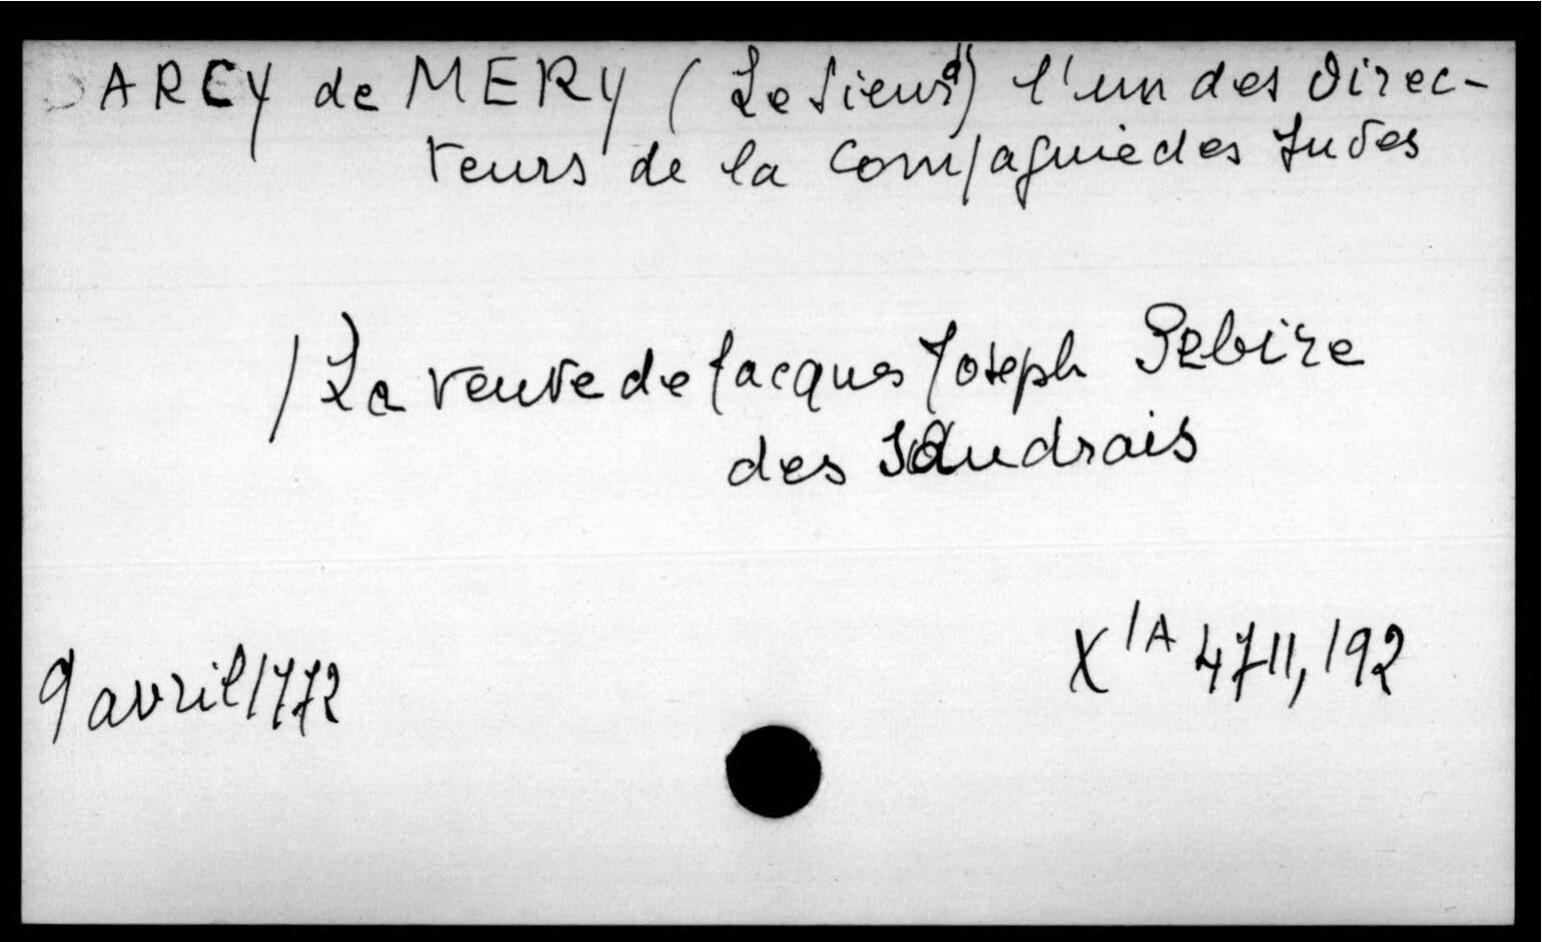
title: ARCY de MERY (Le sieur) l'un des directeurs de la compagnie des Indes
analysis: Contre La veuve de Jacques Joseph Sébire des Saudrais
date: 9 avril 1772
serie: X1A
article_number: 4711
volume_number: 192
